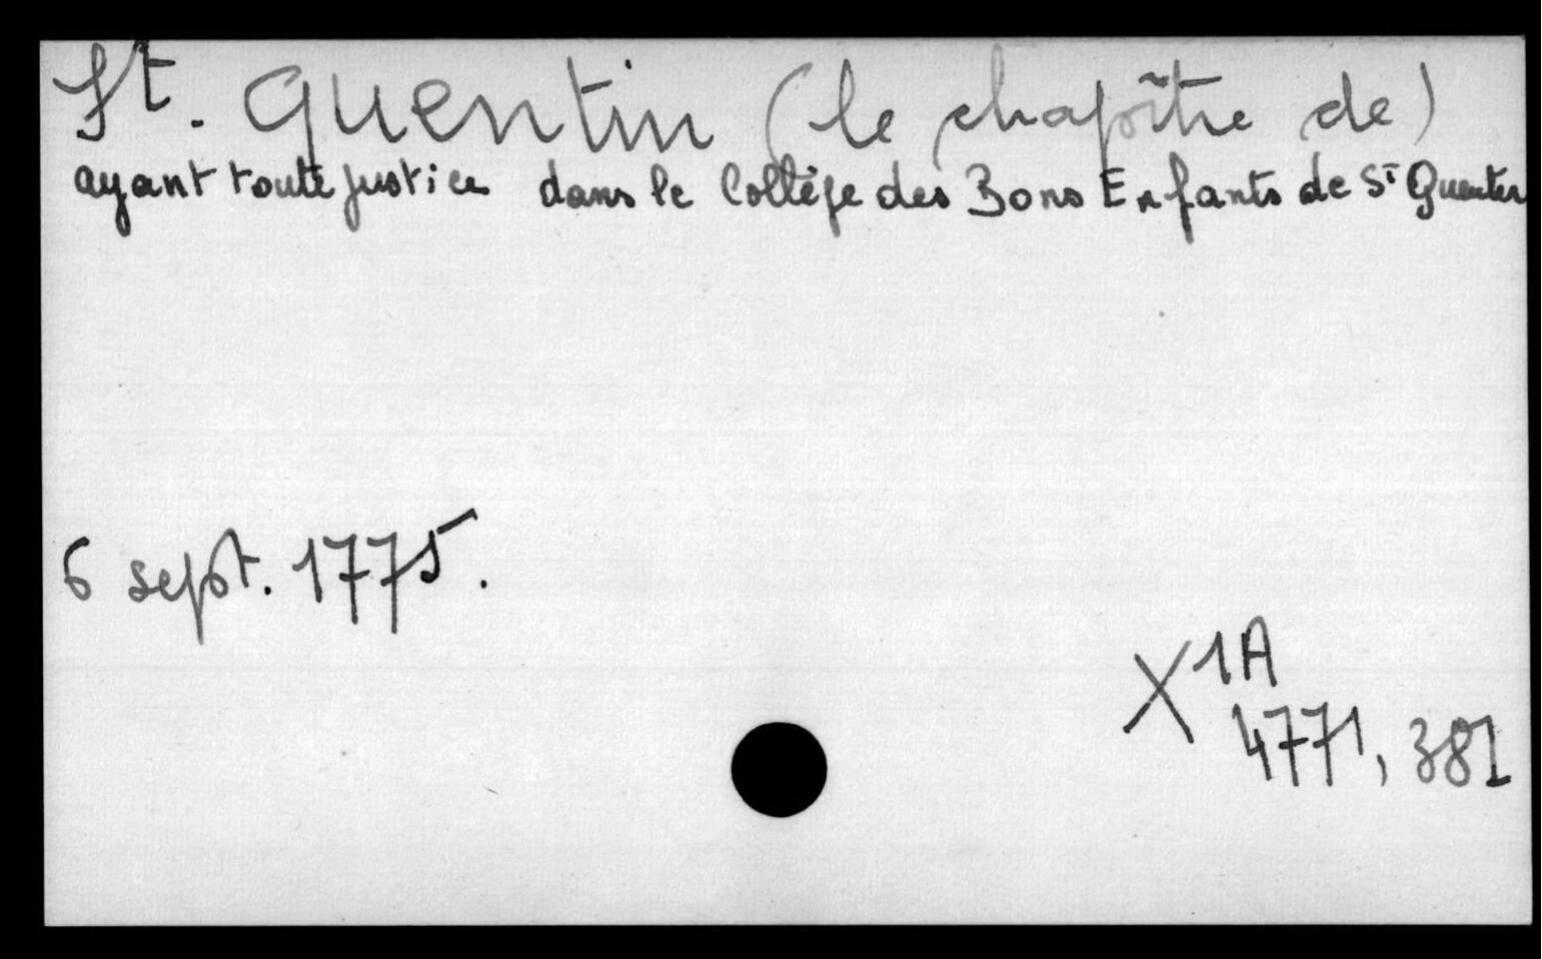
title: Saint-Quentin (le chapitre de) ayant toute justice dans le Collège des Bons Enfants de Saint-Quentin
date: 6 septembre 1775
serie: X1A
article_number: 4771
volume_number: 381
